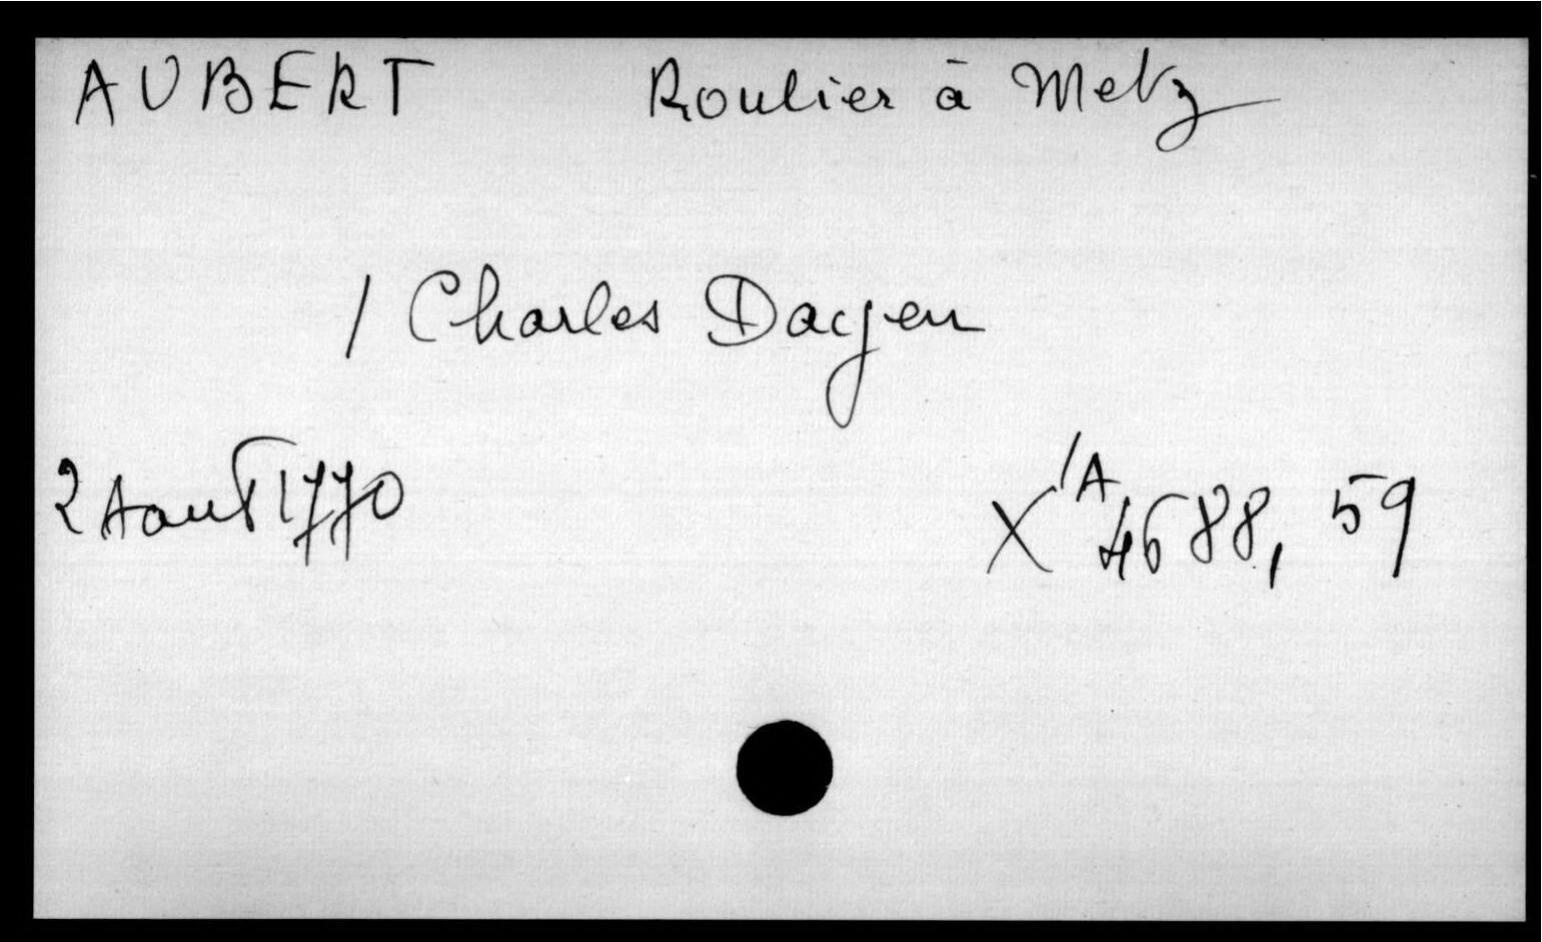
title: AUBERT Roulier à Metz
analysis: Contre Charles Dayen
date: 2 août 1770
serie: X1A
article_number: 4688
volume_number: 59
